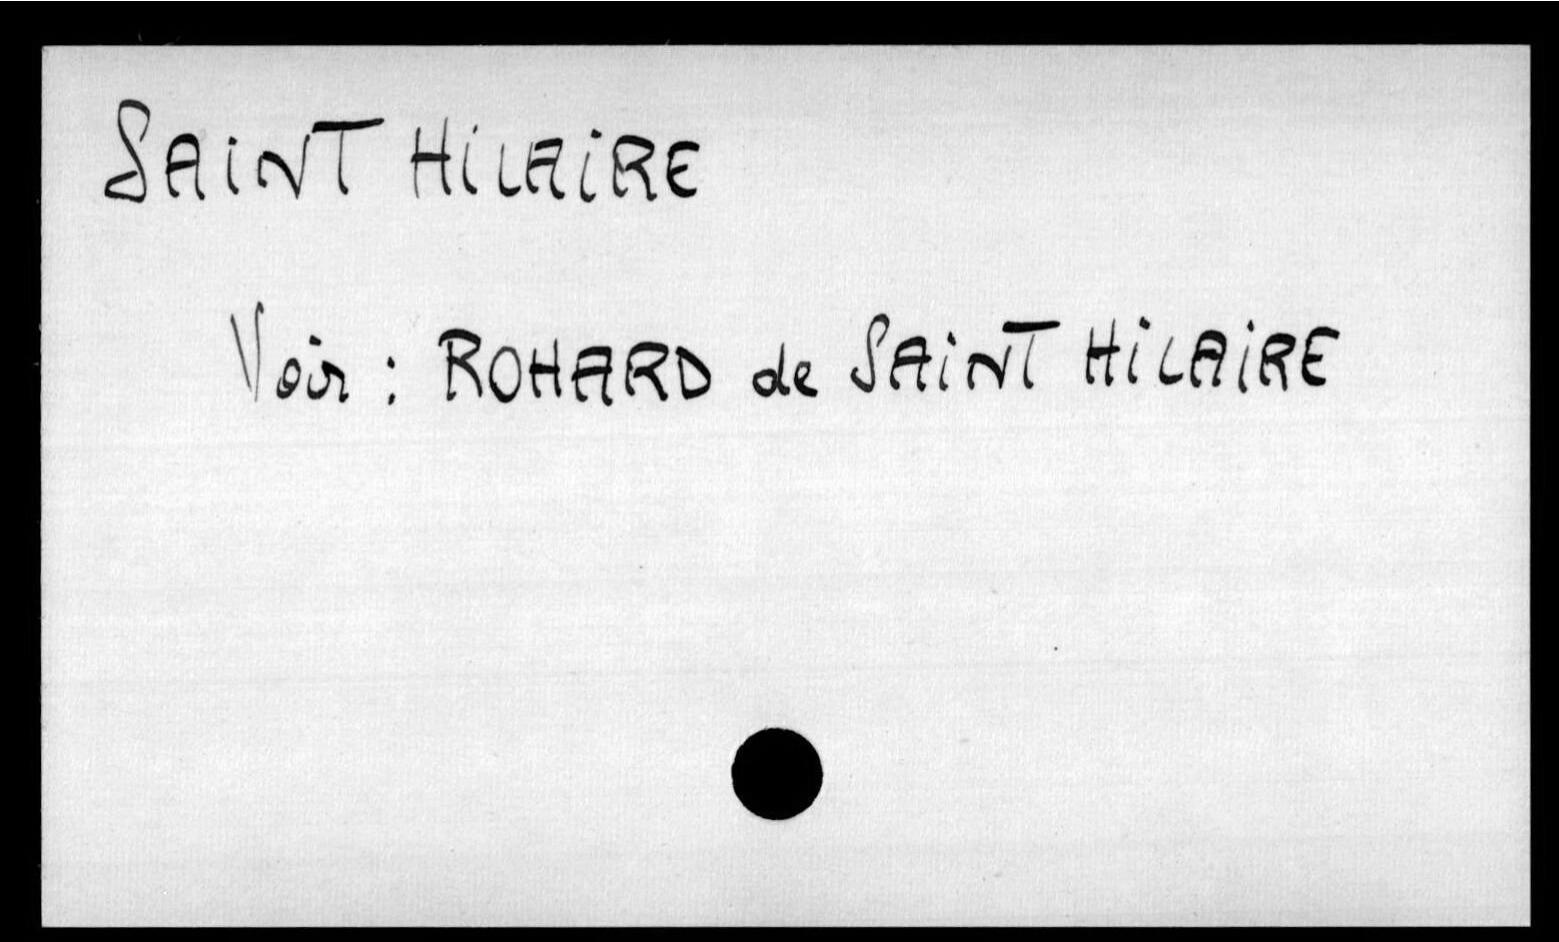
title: SAINT HILAIRE
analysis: Contre Voir : ROHARD de SAINT HILAIRE
